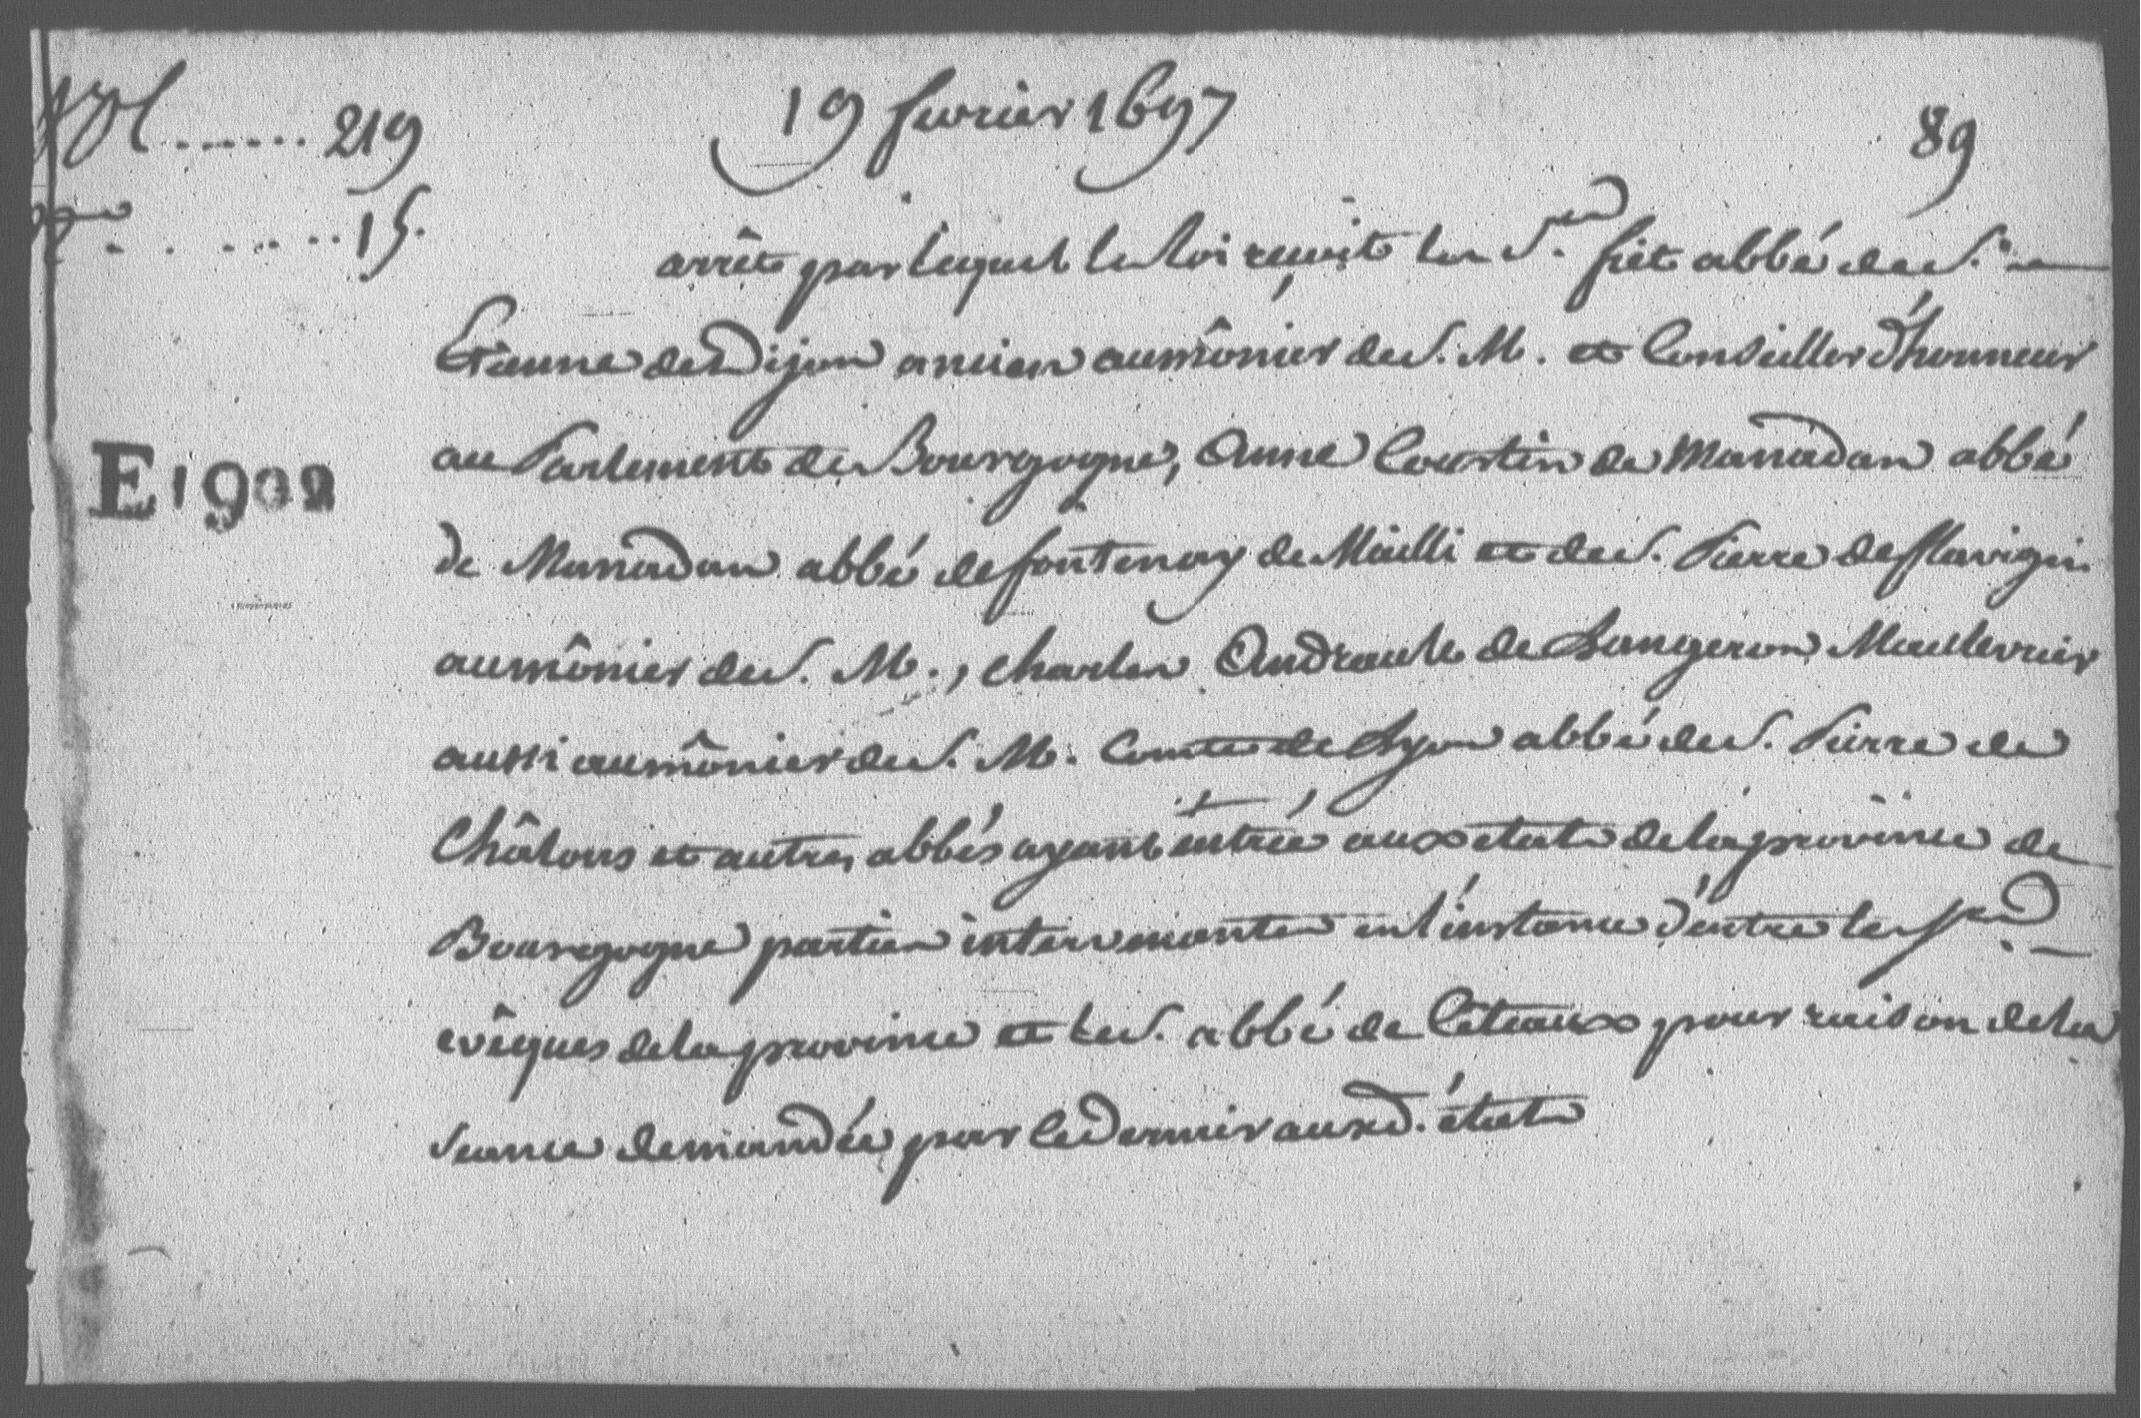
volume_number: n°15
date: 19 février 1697
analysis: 89
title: arrêt par lequel le Roi revoit les S.rs fiet abbé de S. Etienne de Dijon ancien aumônier de S. M. et Conseiller d'honneur au Parlement de Bourgogne, Anne Coustin de Manadan abbé de Manadan abbé de fontenay de Mailli et de S. Pierre de flavigni aumônier de S. M., Charles Andrault de Langeron Maulevrier aussi aumônier de S. M. Comte de Lyon abbé de S. Pierre de Châlons et autres abbés ayant entrée aux etats de la province de Bourgogne parties intervenantes en l'instance d'entre les S.rs evêques de la province et le S. abbé de Cîteaux pour raison de la seance demandée par ce dernier auxd. états
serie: E
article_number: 1902
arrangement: vol. 219
